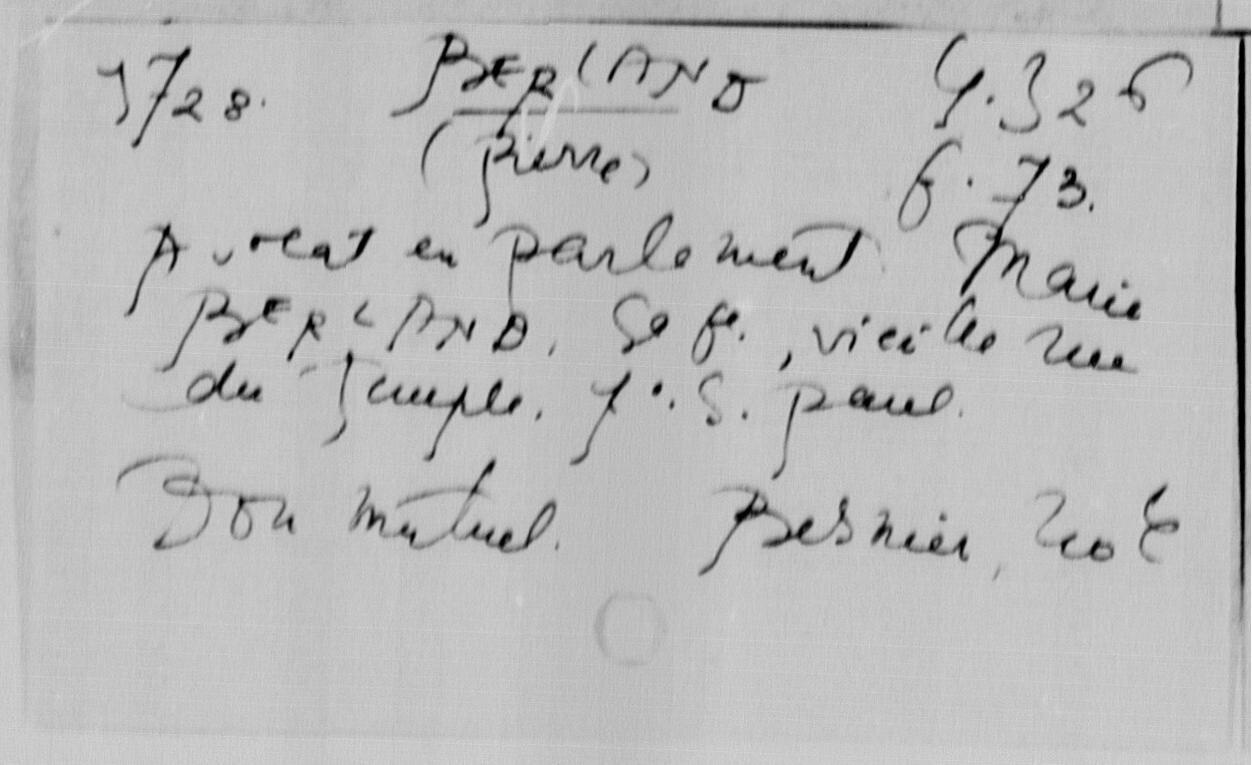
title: BERLAND (Pierre)
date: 1728
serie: Y
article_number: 326
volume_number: folio 73
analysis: Avocat en Parlement. Marie BERLAND, sa femme, Vieille rue du Temple, paroisse Saint-Paul. Don mutuel. Besnier, notaire.
